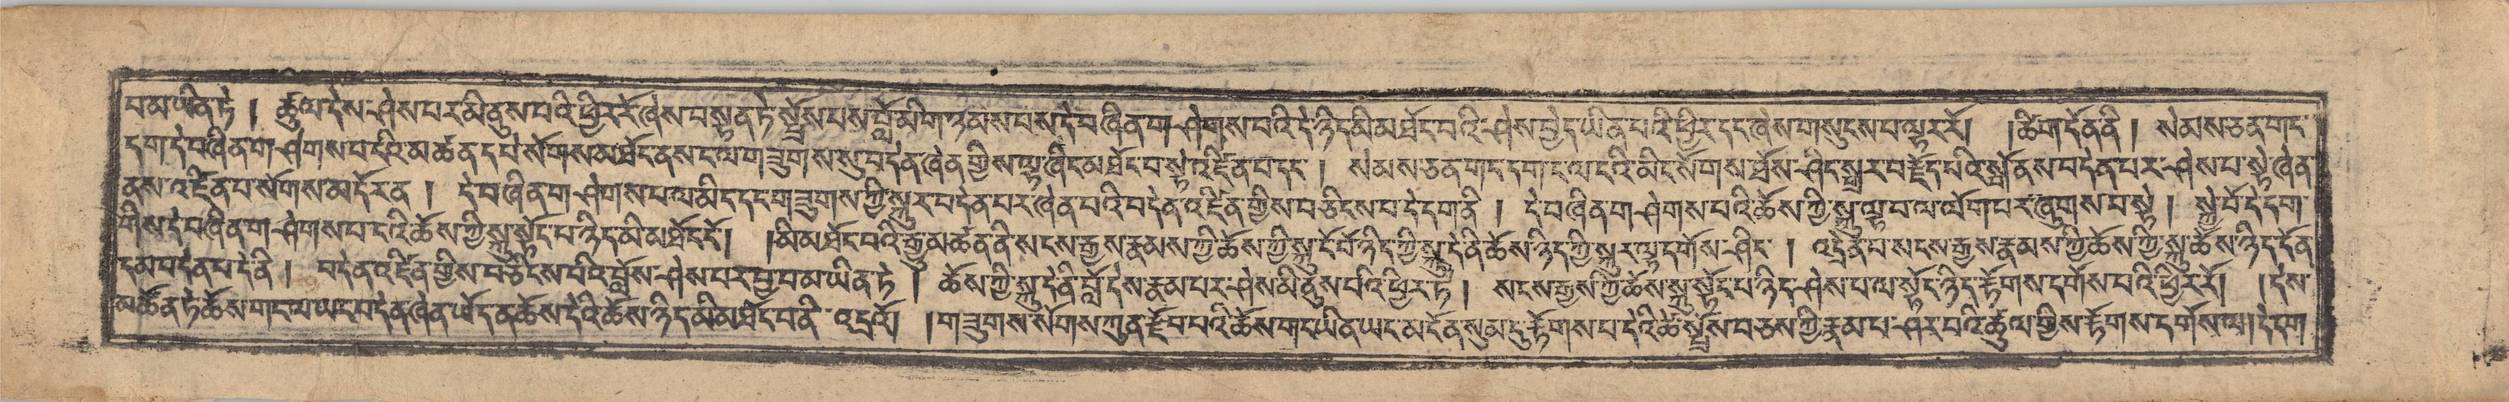བ་མ་ཡིན་ཏེ། ཚུལ་དེས་ཤེས་པར་མི་ནུས་པའི་ཕྱིར་རོ་ཞེས་བསྟན་ཏེ་སྤྲོས་བས་བློ་མིག་ཉམས་པས་དེ་བཞིན་གཤེགས་པའི་དེ་ཉིད་མི་མཐོང་བའི་ཤེས་བྱེད་ཡིན་པའི་ཕྱིར་དང་ཞེས་གསུངས་པ་ལྟར་རོ། །ཚིག་དོན་ནི། སེམས་ཅན་གང་
དག་དེ་བཞིན་གཤེགས་པ་དེའི་མཚན་དཔེ་སོགས་མཐོང་ནས་ང་ལ་གཟུགས་སུ་བདེན་ཞེན་གྱིས་ལྟ་ཞིང་མཐོང་བ་སྟེ་འཛིན་པ་དང་། སེམས་ཅན་གང་དག་ང་ལ་ངའི་མིང་སོགས་ཐོས་ཤིང་སྒྲར་བརྗོད་པའི་སྒོ་ནས་བདེན་པར་ཤེས་པ་སྟེ་ཞེན་
ནས་འཛིན་པ་སོགས་མདོར་ན། དེ་བཞིན་གཤེགས་པ་ལ་མིང་དང་གཟུགས་ཀྱི་སྐུར་བདེན་པར་ཞེན་པའི་བདེན་འཛིན་གྱིས་བཅིངས་པ་དེ་དག་ནི། དེ་བཞིན་གཤེགས་པའི་ཆོས་ཀྱི་སྐུ་ལྟ་བུ་ལ་ལོག་པར་ཞུགས་པ་སྟེ། སྐྱེ་བོ་དེ་དག་
གིས་དེ་བཞིན་གཤེགས་པ་ངའི་ཆོས་ཀྱི་སྐུ་སྟོང་པ་ཉིད་མི་མཐོང་ངོ། །མི་མཐོང་བའི་རྒྱུ་མཚན་ནི་སངས་རྒྱས་རྣམས་ཀྱི་ཆོས་ཀྱི་སྐུ་ངོ་བོ་ཉིད་ཀྱི་སྐུ་དེ་ནི་ཆོས་ཉིད་ཀྱི་སྐུར་ལྟ་དགོས་ཤིང་། འདྲེན་པ་སངས་རྒྱས་རྣམས་ཀྱི་ཆོས་ཀྱི་སྐུ་ཆོས་ཉིད་དོན་
དམ་བདེན་པ་དེ་ནི། བདེན་འཛིན་གྱིས་བཅིངས་པའི་བློས་ཤེས་པར་བྱ་བ་མ་ཡིན་ཏེ། ཆོས་ཀྱི་སྐུ་དེ་ནི་བློ་དེས་རྣམ་པར་ཤེས་མི་ནུས་པའི་ཕྱིར་ཏེ། སངས་རྒྱས་ཀྱི་ཆོས་སྐུ་སྟོང་པ་ཉིད་ཤེས་པ་ལ་སྟོང་ཉིད་རྟོགས་དགོས་པའི་ཕྱིར་རོ། །དེས་
མཚོན་ཏེ་ཆོས་གང་ལ་ཡང་བདེན་ཞེན་ཡོད་ན་ཆོས་དེའི་ཆོས་ཉིད་མི་མཐོང་བ་ནི་འདྲའོ། །གཟུགས་སོགས་ཀུན་རྫོབ་པའི་ཆོས་གང་ཡིན་ཡང་མངོན་སུམ་དུ་རྟོགས་པ་དེའི་ཚེ་སྤྲོས་བཅས་ཀྱི་རྣམ་པ་ཤར་བའི་ཚུལ་གྱིས་རྟོགས་དགོས་ལ། དེ་དག་